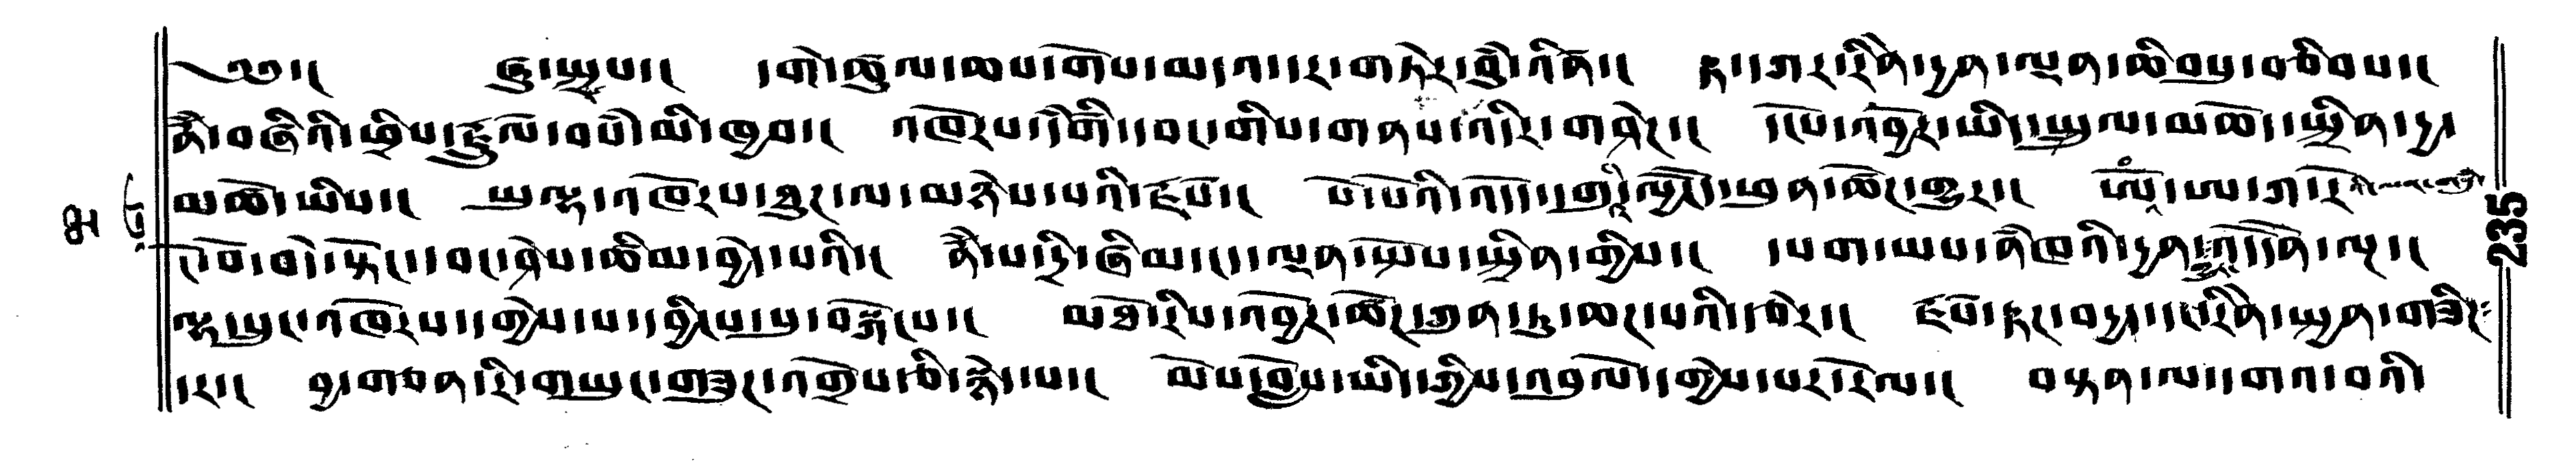ཞུ་སྤྲས། །དགེ་ཚུལ་ཆས་བགོས་མདའ་དར་གཏེར་བུམ་འཛིན། །རྟ་དཀར་རིན་ཆེན་རྒྱན་ལྡན་ཆིབས་སུ་བཅིབས། །
རྣམ་བཞིའི་ཕྲིན་ལས་རྫུ་འཕྲུལ་བསམ་མི་ཁྱབ། །འཁོར་བཅས་དམ་ཚིག་དབང་གིས་གནས་འདིར་གཤེགས། །དངོས་འབྱོར་ཡིད་སྤྲུལ་མཆོད་སྤྲིན་རྒྱ་
མཚོ་ཡིས། །ཡུལ་ལྷ་འཁོར་ཅས་ཐུགས་ལ་མཉེས་པའི་རྫས། །སོ་སོའི་འདོད་དགུའི་ལོངས་སྤྱོད་ཕུན་ཚོགས་གྱུར། །ཨོཾ་ཨ་ཀོ་རོ་ལན་གསུམ། 
ངོ་བོ་བདེ་སྟོང་དབང་ཤེས་ཚིམ་བྱེད་པའི། །རྣམ་པ་དྲི་ཞིམ་ངད་ལྡན་སྤོས་སྤྲིན་གྱིས། །དཔག་ཡས་ནམ་མཁའི་རྒྱན་གྱུར་འདོད་ཡོན་ལྔ། །
ལྷ་སྲུང་འཁོར་བཅས་དགྱེས་པ་དབྱིངས་སུ་བསྐང་། །མཐོ་རིས་འབྱོར་ཚོགས་ཀུན་ཏུ་ཆགས་པའི་རྩེར། །རྫས་རྟགས་བརྒྱད་དང་རིན་ཆེན་སྤྱན་གཟིགས་
དར། །བྱ་གཅན་རི་གཡུང་གཟུགས་འགྲོས་ཇི་སྙེད་པ། །མོས་བློས་ཡིད་ཀྱིས་འབུལ་ལོ་དགྱེས་པར་རོལ། །བསྟན་ལ་དགའ་བའི་